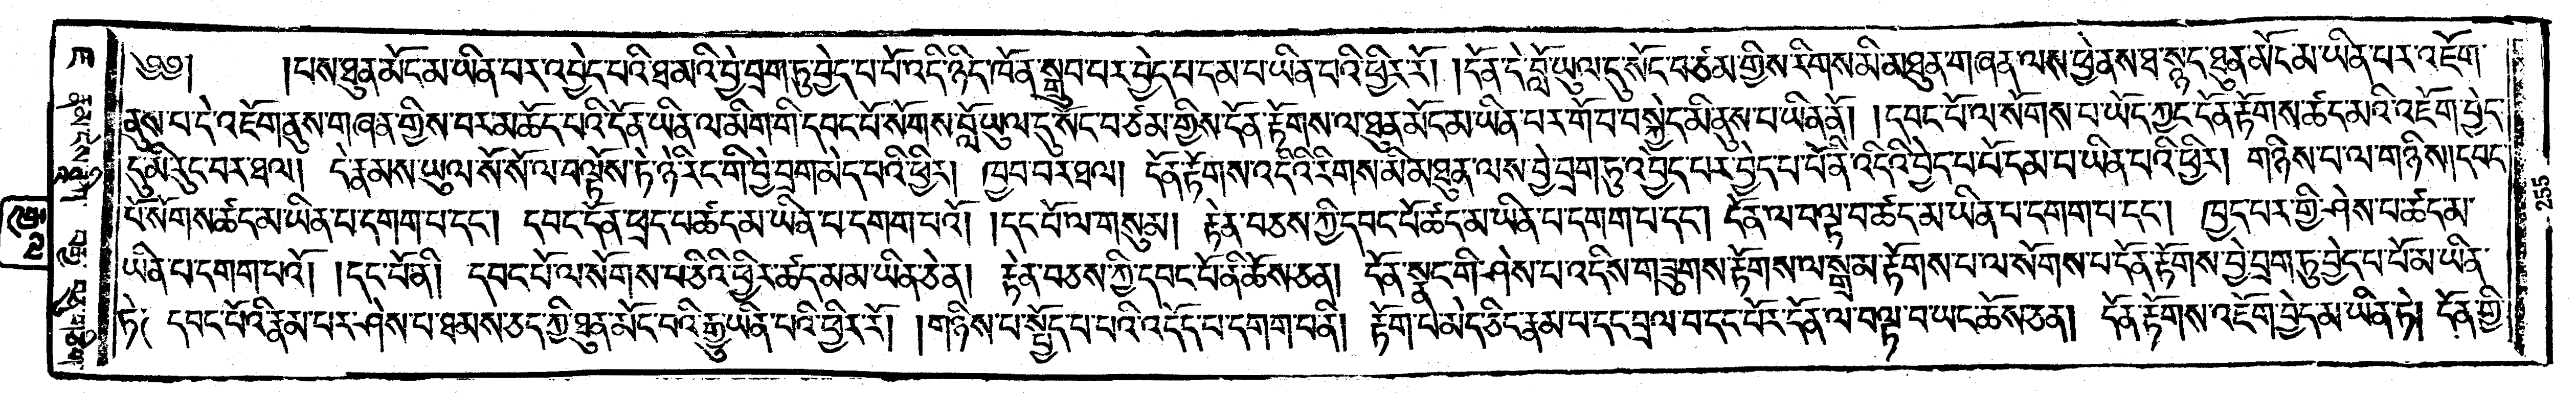༄༅། །པས་ཐུན་མོང་མ་ཡིན་པར་འབྱེད་པའི་ཐ་མའི་བྱེ་བྲག་ཏུ་བྱེད་པ་པོ་འདི་ཉིད་ཁོ་ན་སྒྲུབ་པར་བྱེད་པ་དམ་པ་ཡིན་པའི་ཕྱིར་རོ། །དོན་དེ་བློ་ཡུལ་དུ་སོང་བ་ཙམ་གྱིས་རིགས་མི་མཐུན་གཞན་ལས་ཕྱེ་ནས་ཐ་སྙད་ཐུན་མོང་མ་ཡིན་པར་འཇོག་
ནུས་པ་དེ་འཇོག་ནུས་གཞན་གྱིས་བར་མཆོད་པའི་དོན་ཡིན་ལ་མིག་གི་དབང་པོ་སོགས་བློ་ཡུལ་དུ་སོང་བ་ཙམ་གྱིས་དོན་རྟོགས་ལ་ཐུན་མོང་མ་ཡིན་པར་གོ་བ་བསྐྱེད་མི་ནུས་པ་ཡིན་ནོ། །དབང་པོ་ལ་སོགས་པ་ཡོད་ཀྱང་དོན་རྟོགས་ཚད་མའི་འཇོག་བྱེད་
དུ་མི་རུང་བར་ཐལ། དེ་རྣམས་ཡུལ་སོ་སོ་ལ་བལྟོས་ཏེ་ཉེ་རིང་གི་བྱེ་བྲག་མེད་པའི་ཕྱིར། ཁྱབ་པར་ཐལ། དོན་རྟོགས་འདིའི་རིགས་མི་མཐུན་ལས་བྱེ་བྲག་ཏུ་འབྱེད་པར་བྱེད་པ་པོ་ནི་འདིའི་བྱེད་པ་པོ་དམ་པ་ཡིན་པའི་ཕྱིར། གཉིས་པ་ལ་གཉིས། དབང་
པོ་སོགས་ཚད་མ་ཡིན་པ་དགག་པ་དང་། དབང་དོན་ཕྲད་པ་ཚད་མ་ཡིན་པ་དགག་པའོ། །དང་པོ་ལ་གསུམ། རྟེན་བཅས་ཀྱི་དབང་པོ་ཚད་མ་ཡིན་པ་དགག་པ་དང་། དོན་ལ་བལྟ་བ་ཚད་མ་ཡིན་པ་དགག་པ་དང་། ཁྱད་པར་གྱི་ཤེས་པ་ཚད་མ་
ཡིན་པ་དགག་པའོ། །དང་པོ་ནི། དབང་པོ་ལ་སོགས་པ་ཅིའི་ཕྱིར་ཚད་མ་མ་ཡིན་ཅེ་ན། རྟེན་བཅས་ཀྱི་དབང་པོ་ནི་ཆོས་ཅན། དོན་སྣང་གི་ཤེས་པ་འདིས་གཟུགས་རྟོགས་ལ་སྒྲ་མ་རྟོགས་པ་ལ་སོགས་པ་དོན་རྟོགས་བྱེ་བྲག་ཏུ་བྱེད་པ་པོ་མ་ཡིན་
ཏེ། དབང་པོའི་རྣམ་པར་ཤེས་པ་ཐམས་ཅད་ཀྱི་ཐུན་མོང་བའི་རྒྱུ་ཡིན་པའི་ཕྱིར་རོ། །གཉིས་པ་སྤྱོད་པ་པའི་འདོད་པ་དགག་པ་ནི། རྟོག་པ་མེད་ཅིང་རྣམ་པ་དང་བྲལ་བ་དང་པོར་དོན་ལ་བལྟ་བ་ཡང་ཆོས་ཅན། དོན་རྟོགས་འཇོག་བྱེད་མ་ཡིན་ཏེ། དོན་གྱི་